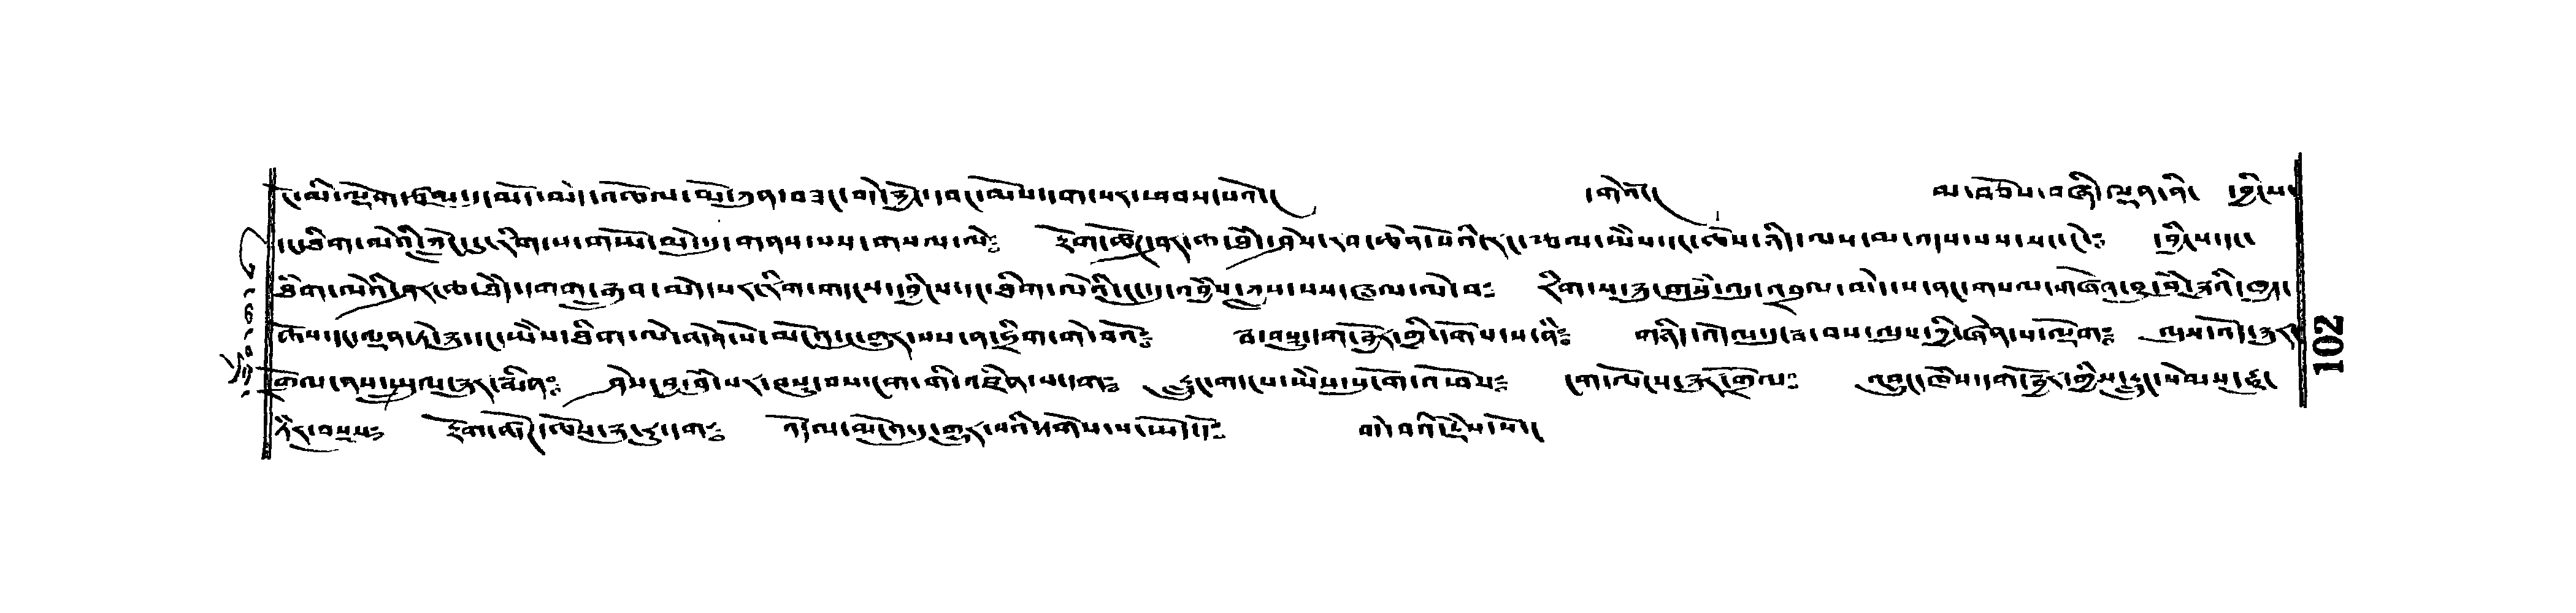ངོར་མ་ལྡོག་ཙམ་དུ་མདོ་མེད་འཆོལ་མོ་ཀུན་བཟང་བདེ་སྐྱོང་དབང་མོས་དག་པར་ཕབས་པའོ།། དགེའོ།། མ་བཅོས་བཞི་ལྡན་ནི། དབྱིངས་
དང་ཐིག་ལེའི་ཀློང་དུ་རིག་པ་གཡོ་མེད་དུ་གནས་པས་གསལ་ལོ༔ རྟོག་ཚོགས་ཤར་ཆ་ཐམས་ཅད་ཤེས་རབ་ཆེན་པོའི་རང་རྩལ་ཡེ་ཤེས་དང་ཆོས་ཉིད་ལས་མ་འདས་པས་སང་ངེ༔ དབྱིངས་
དང་ཐིག་ལེའི་ཤར་ཆ་ཐམས་ཅད་དགག་སྒྲུབ་མེད་པར་རིག་གདངས་དབྱིངས་དང་ཐིག་ལེའི་ངང་དུ་འབྱམས་ཀླས་པས་ཝལ་ལེ་བ༔ རིག་པ་སྐུ་གསུམ་འདུ་འབྲལ་མེད་པ་གསལ་གཞོན་ནུ་བུམ་སྐུའི་ཁྱད་
ཆོས་དང་ལྡན་ཏེ་སྐུ་དང་ཡེ་ཤེས་ཐིག་ལེ་ཆེན་པོ་མངོན་དུ་གྱུར་པས་ན་ཧྲིག་གེ་བའོ༔ སྦ་བསྡུ་དག་སྦྱོར་གྱི་དགོས་པ་ནི༔ གཉིད་འོད་གསལ་དུ་བསྡུས་པས་ལུས་ཀྱི་འཛིན་པ་ལྡོག༔ ལུས་འོད་སྐུར་
གྲོལ་ནས་སྤྲུལ་སྐུར་སྨིན༔ ཤེས་བྱ་བུམ་པར་བསྡུས་བས་ངག་གི་འཛིན་པ་དག༔ རླུང་གདངས་ཡེ་ཤེས་སུ་གོ་འཕོས༔ ངག་ལོངས་སྐུར་གྲོལ༔ འབྱུང་ཁམས་དག་སྦྱོར་གྱིས་རླུང་སེམས་རྒྱུ་
ཏིར་བསྡུས༔ རྟོག་ཚོགས་ཆོས་སྐུ་རུ་དག༔ འོད་གསལ་མངོན་དུ་གྱུར་པའི་དགོས་པ་ཡོད་དོ༔ བདེ་བའི་རྡོ་རྗེས་སོ།།